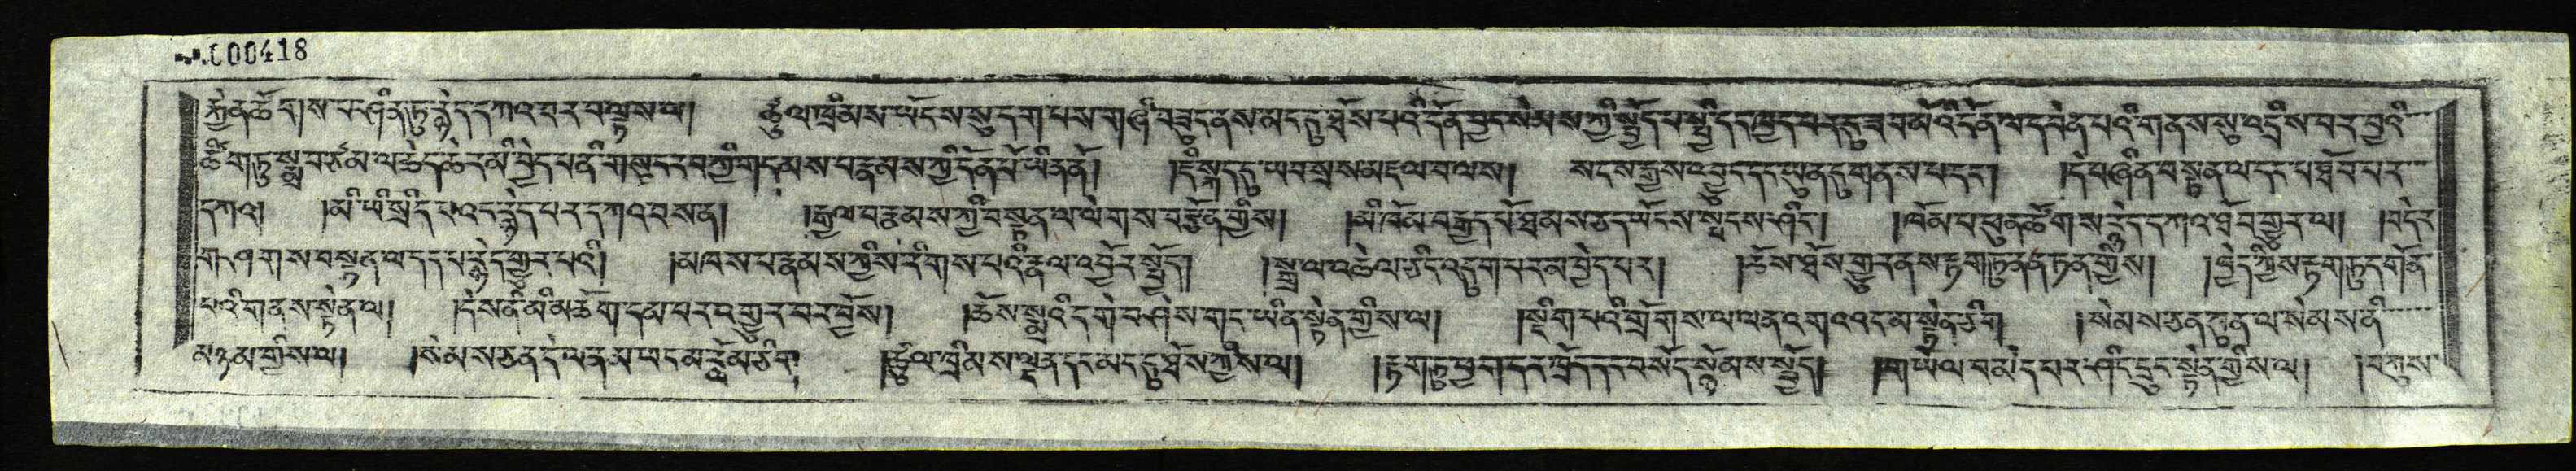རྐྱེན་ཚོགས་པ་ཤིན་ཏུ་རྙེད་དཀའ་བར་བལྟས་ལ། ཚུལ་ཁྲིམས་ཡོངས་སུ་དག་པས་གཞི་བཟུང་ནས་མང་དུ་ཐོས་པའི་དོན་བྱང་སེམས་ཀྱི་སྤྱོད་པ་སྤྱི་དང་ཁྱད་པར་དུ་ཟབ་མོའི་དོན་ལ་དབེན་པའི་གནས་སུ་འདྲིས་པར་བྱའི་
ཚིག་ཏུ་སྨྲ་བ་ཙམ་ལ་ཆེད་ཆེར་མི་བྱེད་པ་ནི་གསུང་རབ་ཀྱི་གདམས་པ་རྣམས་ཀྱི་དོན་པོ་ཡིན་ནོ། །ཇི་སྐད་དུ་ཡབ་སྲས་མཇལ་བ་ལས། སངས་རྒྱས་འབྱུང་དང་ཡུན་དུ་གནས་པ་དང་། །དེ་བཞིན་བསྟན་ལ་དང་པ་ཐོབ་པར་
དཀའ། །མི་ཡི་སྲིད་པའང་རྙེད་པར་དཀའ་བས་ན། །རྒྱལ་བ་རྣམས་ཀྱི་བསྟན་ལ་ལེགས་བརྩོན་གྱིས། །མི་ཁོམ་བརྒྱད་པོ་ཐམས་ཅད་ཡོངས་སྤངས་ཤིང་། །ཁོམ་པ་ཕུན་ཚོགས་རྙེད་དཀའ་ཐོབ་གྱུར་ལ། །བདེར་
གཤེགས་བསྟན་ལ་དད་པ་རྙེད་གྱུར་པའི། །མཁས་པ་རྣམས་ཀྱིས་རིགས་པའི་རྣལ་འབྱོར་སྤྱོད། །སྒྲ་ལ་འཆེལ་ཅིང་འདུག་པར་མ་བྱེད་པར། །ཆོས་ཐོས་གྱུར་ནས་རྟག་ཏུ་ནན་ཏན་གྱིས། །ཁྱེད་ཀྱིས་རྟག་ཏུ་དགོན་
པའི་གནས་སྟེན་ལ། །དེས་ནི་མི་མཆོག་དམ་པར་འགྱུར་བར་བྱོས། །ཆོས་སྨྲའི་དགེ་བཤེས་གང་ཡིན་སྟེན་གྱིས་ལ། །སྡིག་པའི་གྲོགས་ལ་ལན་འགའ་འང་མ་སྟེན་ཅིག །སེམས་ཅན་ཀུན་ལ་སེམས་ནི་
མཉམ་གྱིས་ལ། །སེམས་ཅན་དེ་ལ་ནམ་ཡང་མ་རློམ་ཅིག །ཚུལ་ཁྲིམས་ལྡན་དང་མང་དུ་ཐོས་ཀྱིས་ལ། །རྟག་ཏུ་ཕྱག་དར་ཁྲོད་དང་བསོད་སྙོམས་སྤྱོད། །གཡོལ་བ་མེད་པར་ཤིང་དྲུང་སྟེན་གྱིས་ལ། །བཀུས་